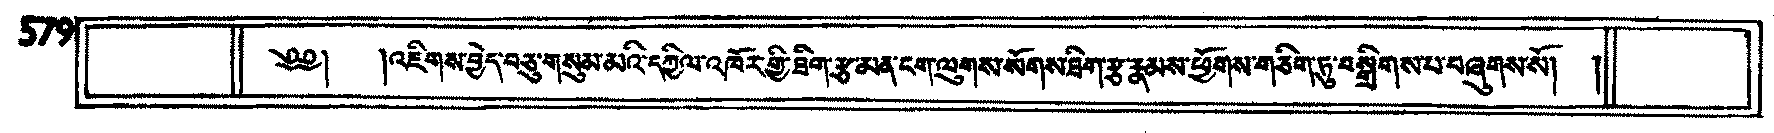༄༅། །འཇིགས་བྱེད་བཅུ་གསུམ་མའི་དཀྱིལ་འཁོར་གྱི་ཐིག་རྩ་མན་ངག་ལུགས་སོགས་ཐིག་རྩ་རྣམས་ཕྱོགས་གཅིག་ཏུ་བསྒྲིགས་པ་བཞུགས་སོ། །